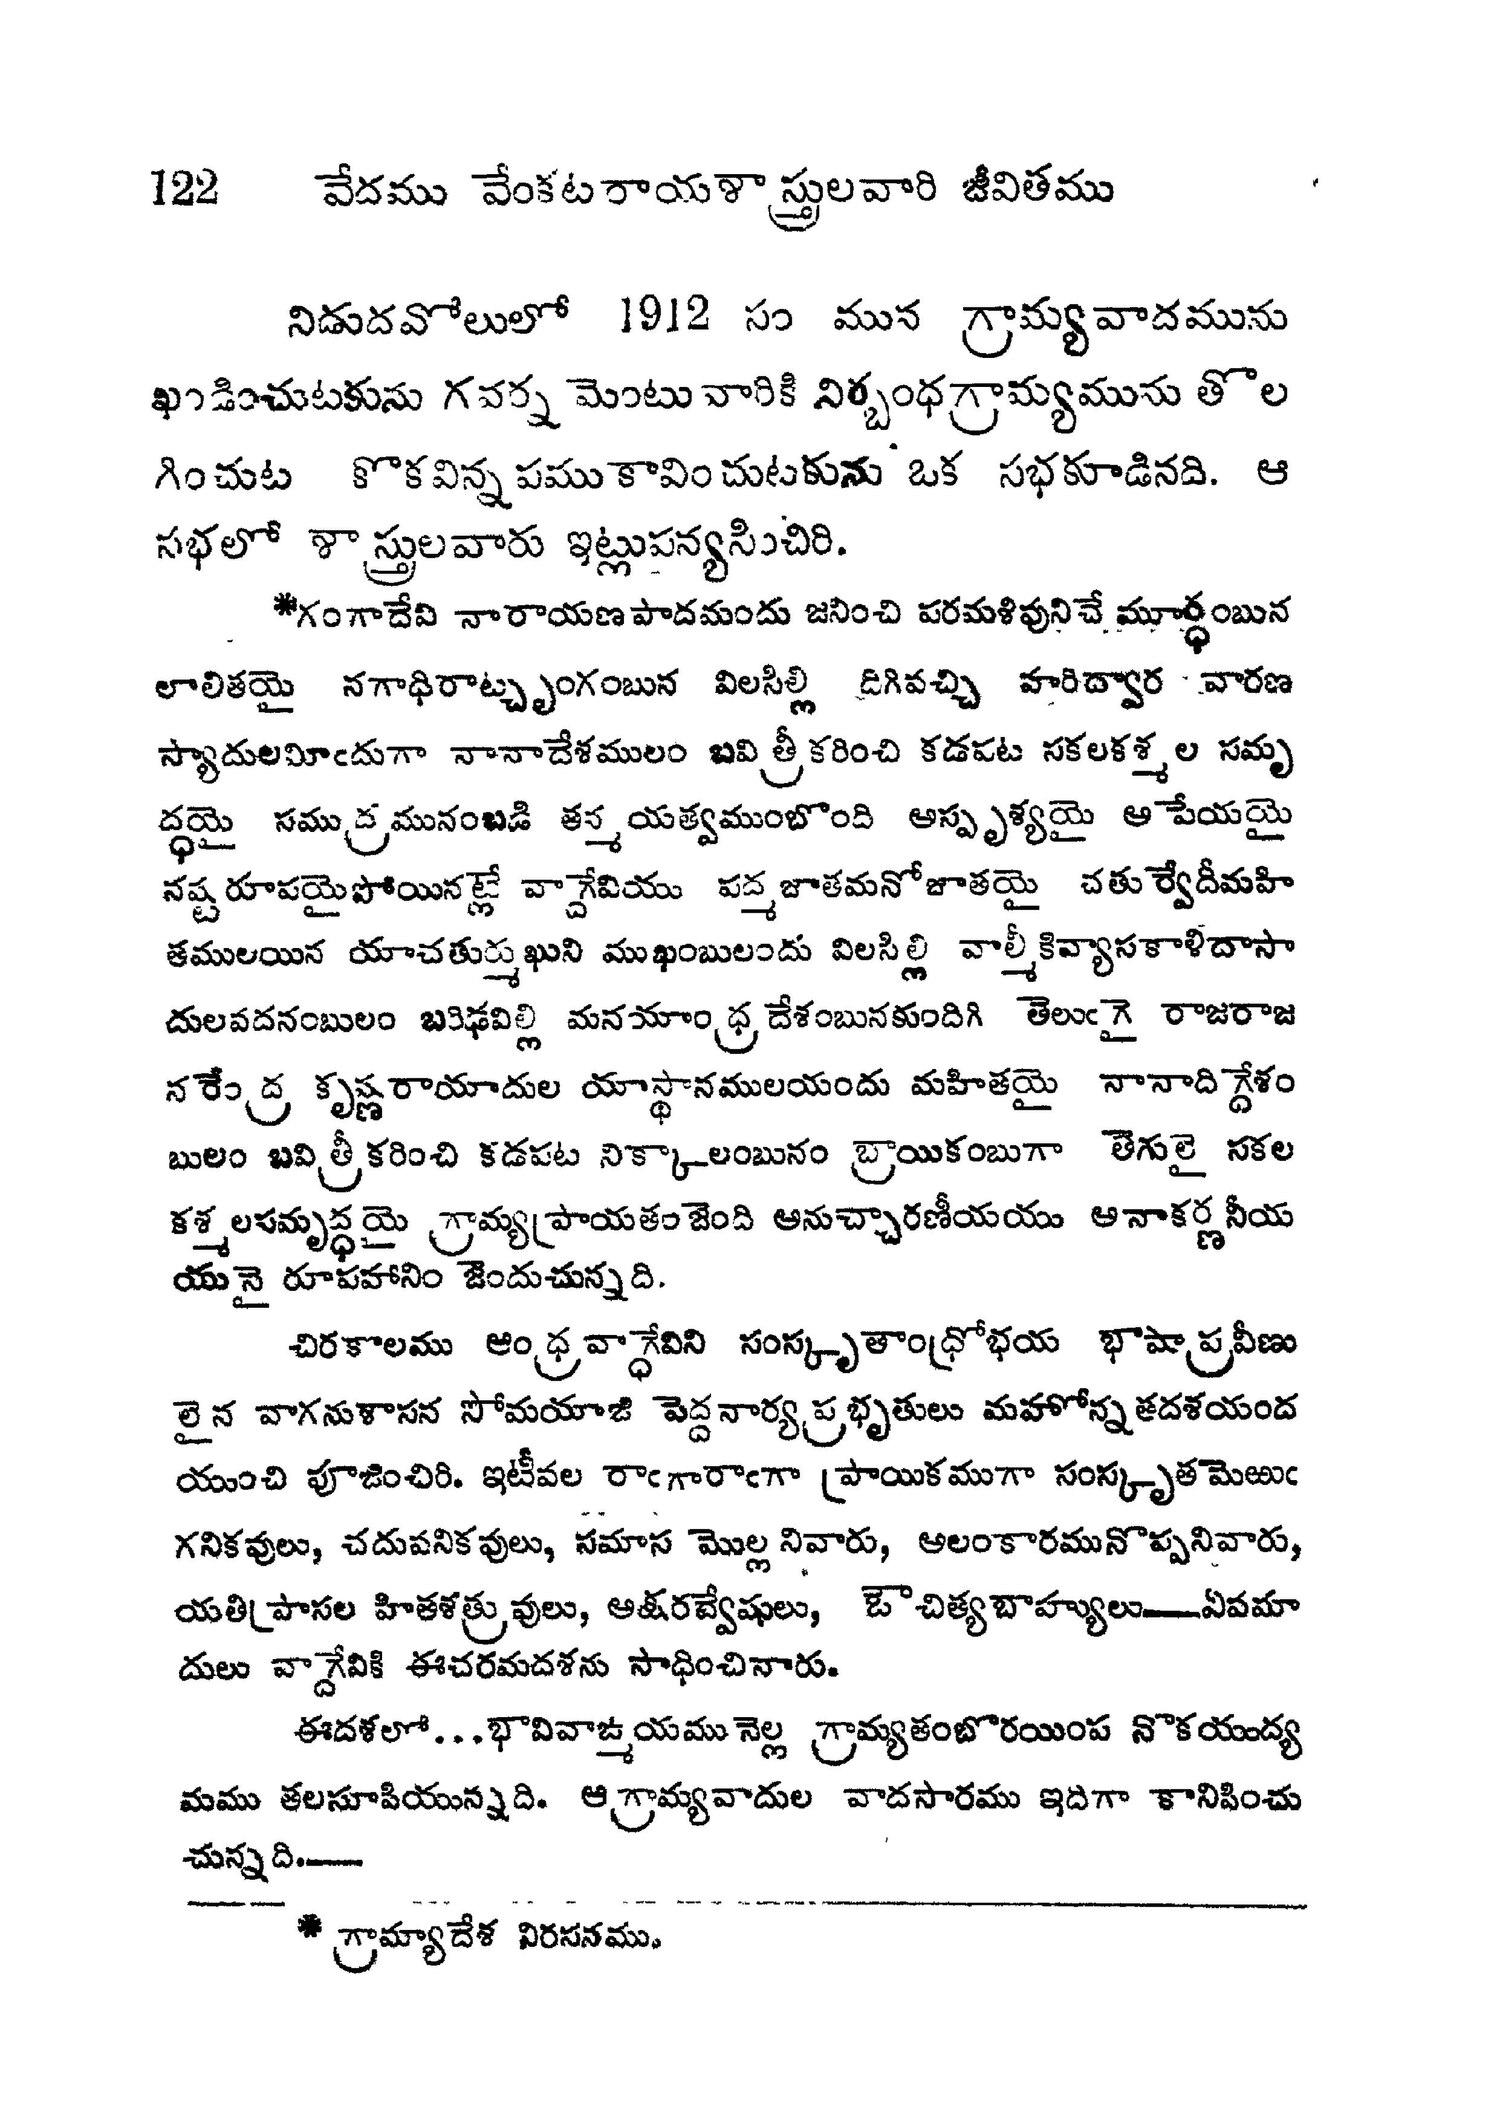నిడుదవోలులో 1912 సం. మున గ్రామ్యవాదమును ఖండించుటకును గవర్న మెంటువారికి నిర్బంధగ్రామ్యమును తొలగించుట కొకవిన్నపము కావించుటకును ఒక సభకూడినది. ఆ సభలో శాస్త్రులవారు ఇట్లుపన్యసించిరి.

గంగాదేవి నారాయణపాదమందు జనించి పరమశివునిచే మూర్ధంబున లాలితమై నగాధిరాట్చృంగంబున విలసిల్లి దిగివచ్చి హరిద్వార వారణ స్యాదులమీదుగా నానాదేశములం బవిత్రీకరించి కడపట సకలకశ్మల సమృద్ధయై సముద్రమునంబడి తన్మ యత్వముంబొంది అస్పృశ్యయై అపేయయై నష్టరూపయైపోయినట్లే వాగ్దేవియు పద్మజాతమనోజాతయై చురుర్వేదీమహితములయిన యాచతుర్ముఖుని ముఖంబులందు విలసిల్లి వాల్మీకివ్యాసకాళిదాసాదుల వదనంబులం బరిడవిల్లి మనయాంధ్ర దేశంబునకుందిగి తెలుగై రాజరాజనరేంధ్ర కేష్ణరాయాదులు యాస్థానములయందు మహితయై నానాదిగ్దేశంబులం బవిత్రీకరించి కడపట నిక్కాలంబునం బ్రాయికంబుగా తెగులై సకల కశ్మలసమృద్ధయై గ్రామ్యప్రాయతంజెంది అనుచ్చారణీయయు అనాకర్ణనీయయునై రూపహానిం జెందుచున్నది.

చిరకాలము ఆంధ్రవాగ్ధేవిని సంస్కృతాంధ్రోభయ భాషాప్రవీణులైన వాగనుశాసన సోమయాజి పెద్దనార్యప్రభృతులు మహోన్నతదశయంద యుంచి పూజించిరి. ఇటీవల రాగారాగా ప్రాయికముగా సంస్కృతమెఱుగనికవులు, చదువనికవులు, సమాస మొల్లనివారు, అలంకారమునొప్పనివారు, యతిప్రాసల హితశత్రువులు, అక్షరద్వేషులు, ఔచిత్యబాహ్యులు-ఏవమాదులు వాగ్దేవికి ఈచరమదశను సాధించినారు.

ఈదశలో.....భావివాఙ్మయమునెల్ల గ్రామ్యతంబొరయింప నొకయుద్యమము తలసూపియున్నది. ఆగ్రామ్యవాదుల వాదసారము ఇదిగా కానిపించుచున్నది.-

గ్రామ్యాదేశ నిరసనము.